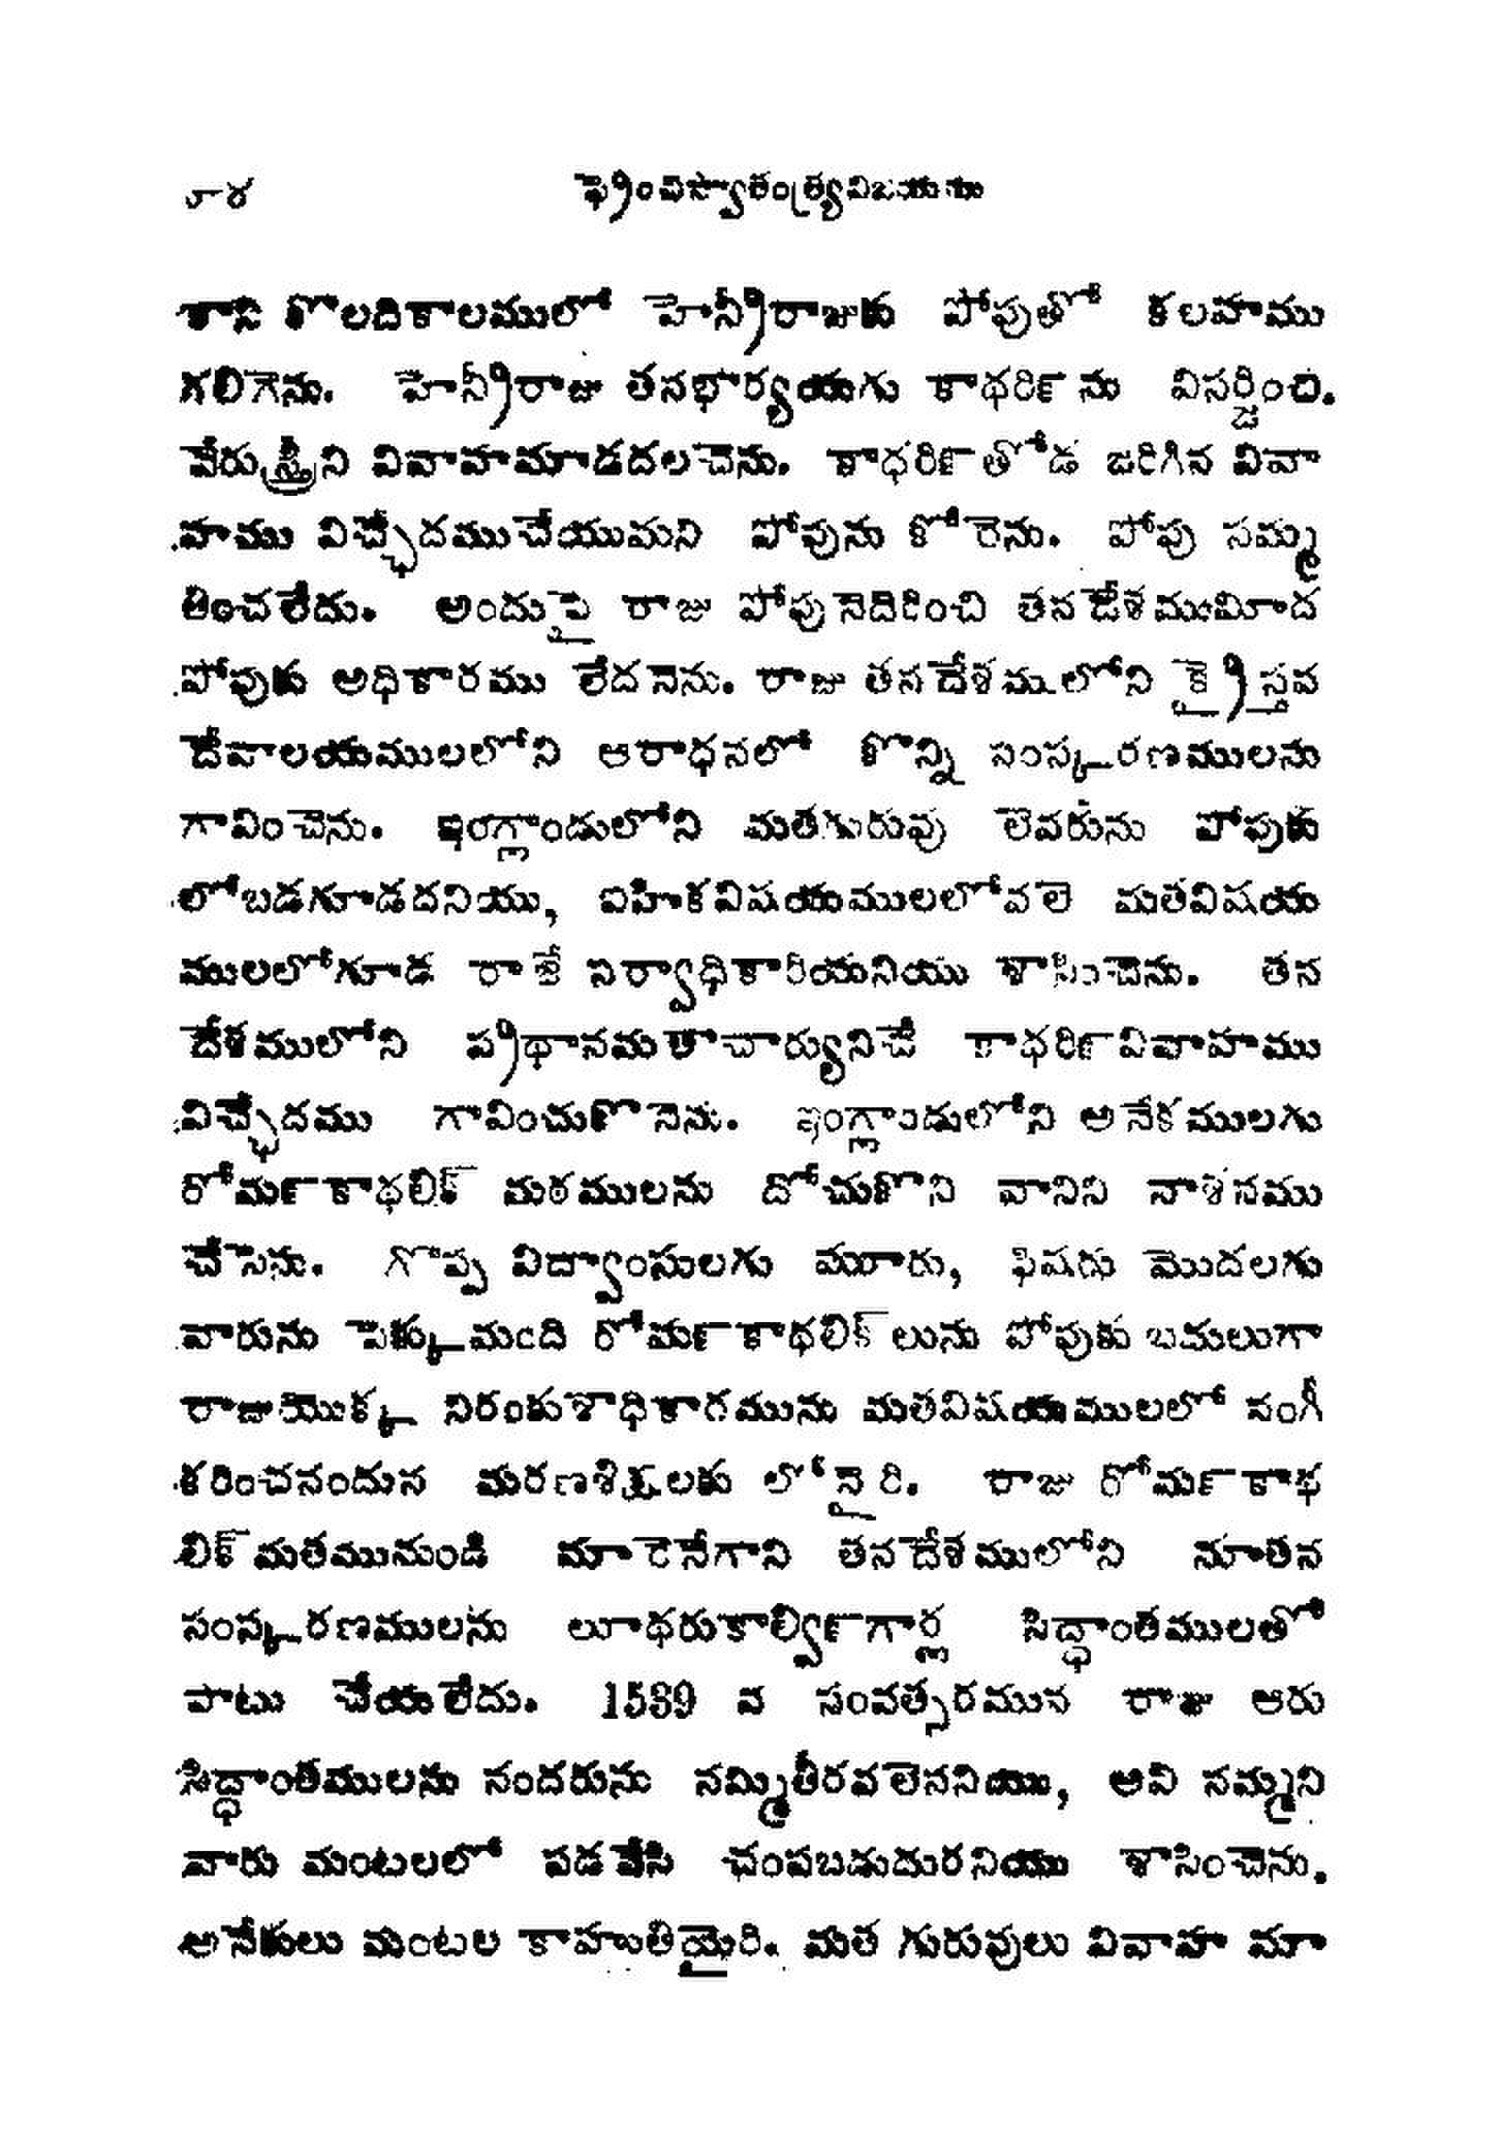కొలదికాలములో హేన్రీ రాజుకు పోపుతో కలహము
గగెను. హేన్రీరాజు తనభార్యయగు కాథరిన్ ను విసర్జించి.
వేరు స్త్రీని వివాహమాడ దలచెను. కాధరిన్ తోడ జరిగిన వివా
హము విచ్ఛేదము చేయుమని పోవును కోరెను. పోపు సమ్మ
తించలేదు. అందుపై రాజు పోపు నెదిరించి తన దేశముమీద
పోవుకు అధికారము లేదనెను. రాజు తన దేశములోని క్రైస్తవ
దేవాలయములలోని ఆరాధనలో కొన్ని సంస్కరణములను
గావించెను. ఇంగ్లాండులోని మత గురువు లెవరును పోపుకు
లోబడ గూడదనియు, ఐహిక విషయములలో వలె మతవిషయ
ములలో గూడ రాజే సర్వాధికారియనియు శాసించెను.
దేశములోని ప్రధానమతాచార్యునిచే కాధరిన్ వివాహము
విచ్ఛేదము గావించుకొనెను. ఇంగ్లాండులోని అనేకములగు
రోమన్ కాథలిక్ మఠములను దోచుకొని వానిని నాశనము
చేసెను. గొప్ప విద్వాంసులగు మూరు, పిషరు మొదలగు
వారును పెక్కు మంది రోమన్ కాథలిక్ లును పోపుకు బదులుగా
రాజ యొక్క నిరంకుశాధికారమును మతవిషయములలో సంగీ
శరించ నందున మరణశిక్షలకు లోనైరి. రాజు రోమన్ కాథ
లిక్ మతము నుండి మారెనే గాని తన దేశములోని నూతన
సంస్కరణములను లూథరుకాల్విన్ గార్ల సిద్ధాంతములతో
పాటు చేయలేదు. 1589 వ సంవత్సరమున రాజు ఆరు
సిద్ధాంతములను నందరును నమ్మి తీరవలెననియు, నమ్మని
వారు మంటలలో పడవేసి చంపబడుదు రనియు శాసించెను,
అనేకులు మంటల కాహుతియైరి. మత గురువులు వివాహ మా